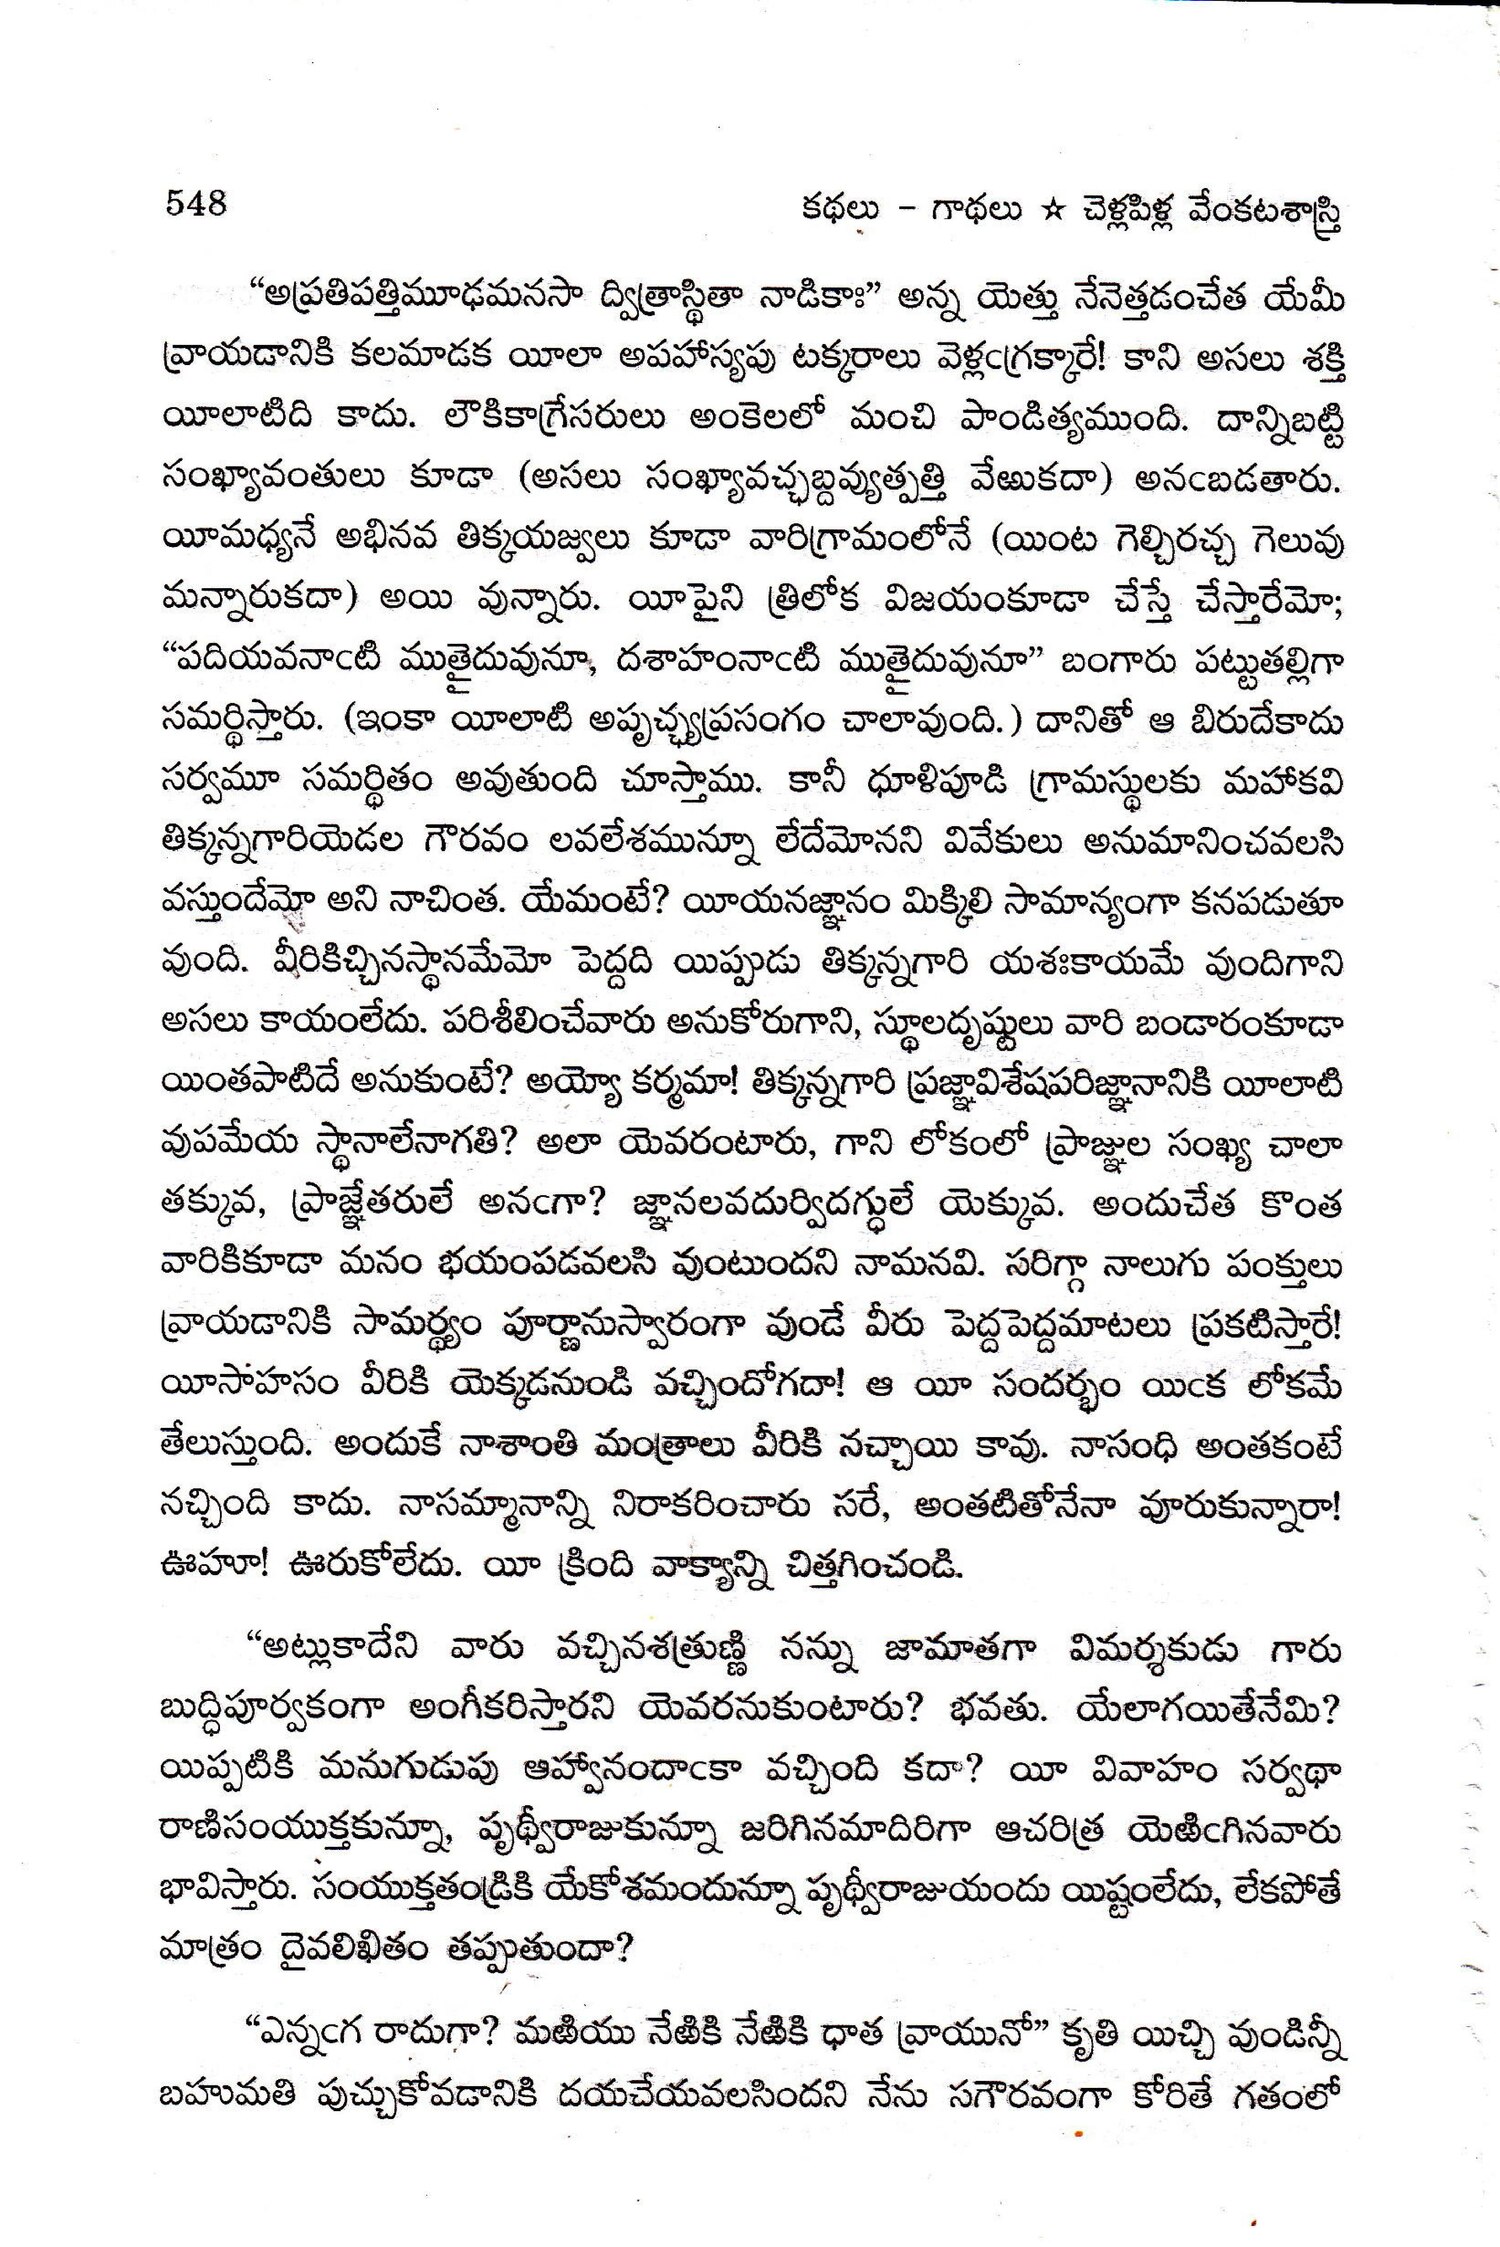"అప్రతిపత్తిమూఢమనసా ద్విత్రాస్థితా నాడికాః" అన్న యెత్తు నేనెత్తడంచేత యేమీ వ్రాయడానికి కలమాడక యీలా అపహాస్యపు టక్కరాలు వెళ్లఁగ్రక్కారే! కాని అసలు శక్తి యీలాటిది కాదు. లౌకికాగ్రేసరులు అంకెలలో మంచి పాండిత్యముంది. దాన్నిబట్టి సంఖ్యావంతులు కూడా (అసలు సంఖ్యావచ్ఛబ్దవ్యుత్పత్తి వేఱుకదా) అనఁబడతారు. యీమధ్యనే అభినవ తిక్కయజ్వలు కూడా వారి గ్రామంలోనే (యింట గెల్చిరచ్చ గెలువు మన్నారుకదా) అయి వున్నారు. యీ పైని త్రిలోక విజయంకూడా చేస్తే చేస్తారేమో; “పదియవనాcటి ముతైదువునూ, దశాహంనాcటి ముతైదువునూ" బంగారు పట్టుతల్లిగా సమర్ధిస్తారు. (ఇంకా యీలాటి అపృచ్ఛ్యప్రసంగం చాలావుంది.) దానితో ఆ బిరుదేకాదు సర్వమూ సమర్ధితం అవుతుంది చూస్తాము. కానీ ధూళిపూడి గ్రామస్థులకు మహాకవి తిక్కన్నగారియెడల గౌరవం లవలేశమున్నూ లేదేమోనని వివేకులు అనుమానించవలసి వస్తుందేమో అని నాచింత. యేమంటే? యీయనజ్ఞానం మిక్కిలి సామాన్యంగా కనపడుతూ వుంది. వీరికిచ్చినస్థానమేమో పెద్దది యిప్పుడు తిక్కన్నగారి యశఃకాయమే వుందిగాని అసలు కాయంలేదు. పరిశీలించేవారు అనుకోరుగాని, స్థూలదృష్టులు వారి బండారంకూడా యింతపాటిదే అనుకుంటే? అయ్యో కర్మమా! తిక్కన్నగారి ప్రజ్ఞావిశేషపరిజ్ఞానానికి యీలాటి వుపమేయ స్థానాలేనాగతి? అలా యెవరంటారు, గాని లోకంలో ప్రాజ్ఞుల సంఖ్య చాలా తక్కువ, ప్రాజ్ఞేతరులే అనఁగా? జ్ఞానలవదుర్విదగ్ధులే యెక్కువ. అందుచేత కొంత వారికికూడా మనం భయంపడవలసి వుంటుందని నామనవి. సరిగ్గా నాలుగు పంక్తులు వ్రాయడానికి సామర్థ్యం పూర్ణానుస్వారంగా వుండే వీరు పెద్దపెద్దమాటలు ప్రకటిస్తారే! యీసాహసం వీరికి యొక్కడనుండి వచ్చిందోగదా! ఆ యీ సందర్భం యిఁక లోకమే తేలుస్తుంది. అందుకే నాశాంతి మంత్రాలు వీరికి నచ్చాయి కావు. నాసంధి అంతకంటే నచ్చింది కాదు. నాసమ్మానాన్ని నిరాకరించారు సరే, అంతటితోనేనా వూరుకున్నారా! ఊహూ! ఊరుకోలేదు. యీ క్రింది వాక్యాన్ని చిత్తగించండి.

“అట్లుకాదేని వారు వచ్చినశత్రుణ్ణి నన్ను జామాతగా విమర్శకుడు గారు బుద్ధిపూర్వకంగా అంగీకరిస్తారని యెవరనుకుంటారు? భవతు. యేలాగయితేనేమి? యిప్పటికి మనుగుడుపు ఆహ్వానందాఁకా వచ్చింది కదా? యీ వివాహం సర్వథా రాణిసంయుక్తకున్నూ, పృథ్వీరాజుకున్నూ జరిగినమాదిరిగా ఆచరిత్ర యెఱిఁగినవారు భావిస్తారు. సంయుక్తతండ్రికి యేకోశమందున్నూ పృథ్వీరాజుయందు యిష్టంలేదు, లేకపోతే మాత్రం దైవలిఖితం తప్పుతుందా?

"ఎన్నఁగ రాదుగా? మఱియు నేఱికి నేఱికి ధాత వ్రాయునో కృతి యిచ్చి వుండిన్నీ బహుమతి పుచ్చుకోవడానికి దయచేయవలసిందని నేను సగౌరవంగా కోరితే గతంలో